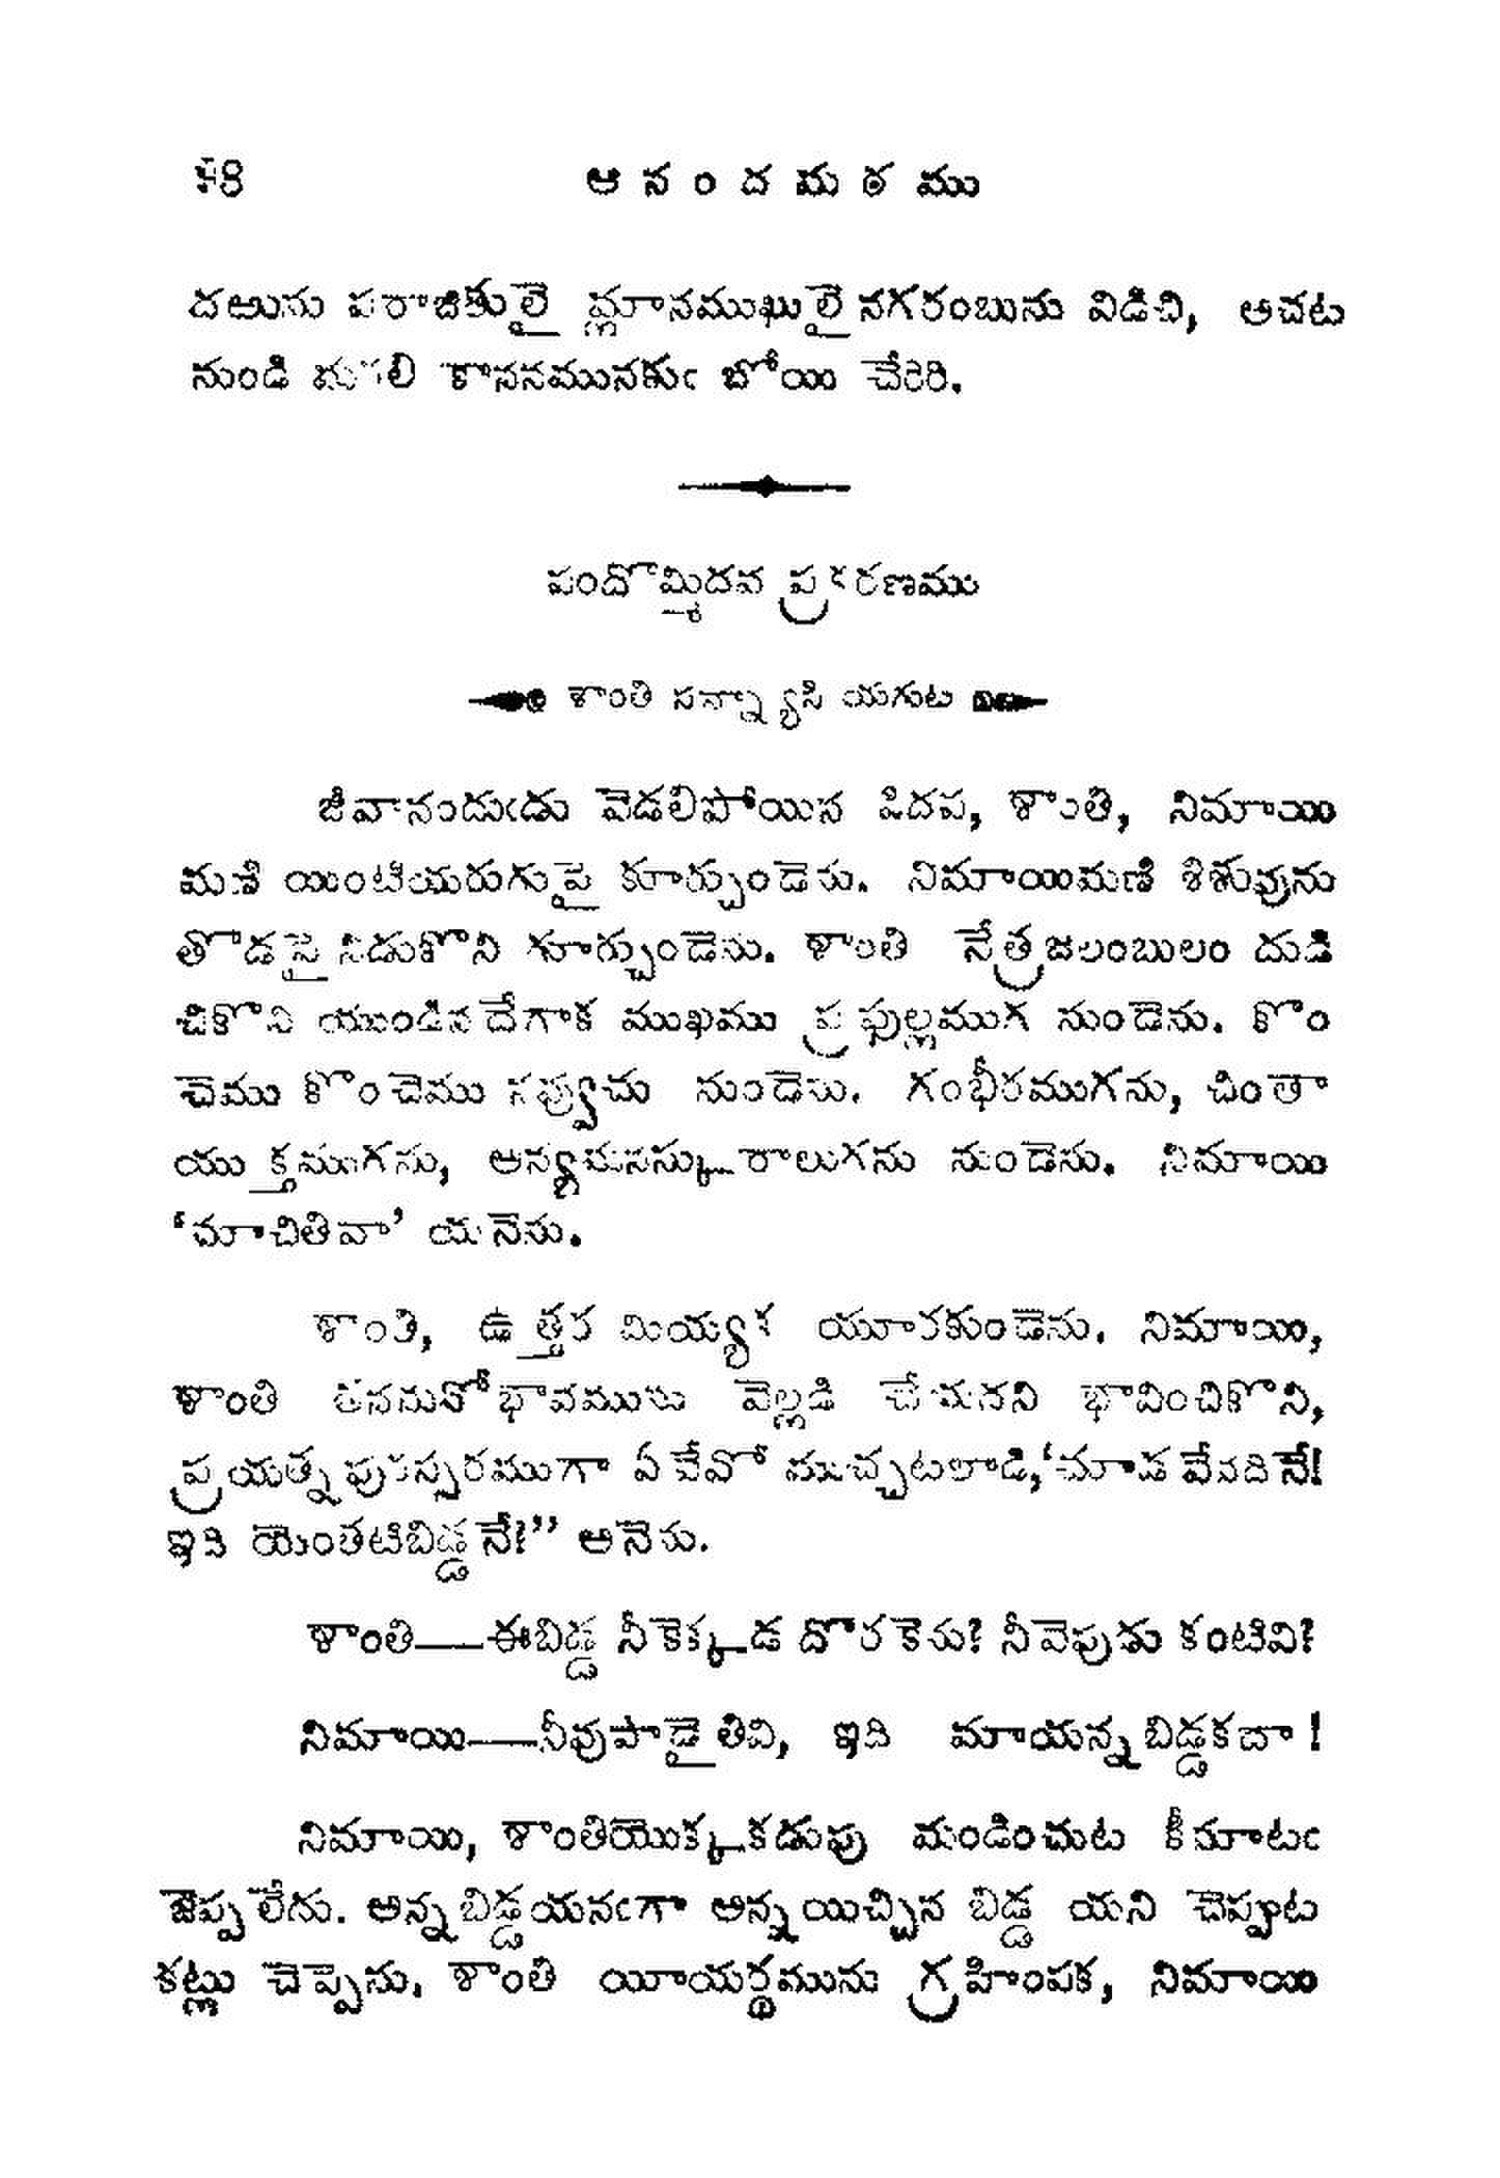దఱును పరాజితులై మ్లానముఖులై నగరంబును విడిచి, అచట నుండి మరలి కాననమునకుఁ బోయి చేరిరి.

పందొమ్మిదవ ప్రకరణము

శాంతి సన్న్యాసి యగుట

జీవానందుఁడు వెడలిపోయిన పిదప, శాంతి, నిమాయిమణి యింటి యరుగుపై కూర్చుండెను, నిమాయిమణి శిశువును
తొడపై నిడుకొని గూర్చుండెను. శాంతి నేత్ర జలంబులం దుడిచికొని యుండిన దేగాక ముఖము ప్రఫుల్లముగ నుండెను. కొంచెము కొంచెము నవ్వుచు నుండెను. గంభీరముగను, చింతా యుక్తముగను, ఆన్యమనస్కురాలుగను నుండెను. నిమాయి 'చూచితివా ' యనెను.

శాంతి ఉత్తర మియ్యక యూరకుండెను. నిమాయి, శాంతి తనమనో భావములు వెల్లడి చేయదని భావించికొని,
ప్రయత్నపురస్సరముగా ఏవేవో ముచ్చటలాడి, 'చూడవేవదినే! ఇది యెంతటిబిడ్డనే!” అనెను.

శాంతి—— ఈబిడ్డ నీ కెక్కడ దొరకెను? నీ వెపుడు కంటివి?

నిమాయి——నీవుపాడైతివి, ఇది మాయన్న బిడ్డకదా !

నిమాయి, శాంతి యొక్క కడుపు మండించుట కీమాటఁ జెప్ప లేదు. అన్న బిడ్డయనఁగా అన్న యిచ్చిన బిడ్డ యని చెప్పుట
కట్లు చెప్పెను, శాంతి యీయర్థమును గ్రహింపక, నిమాయి